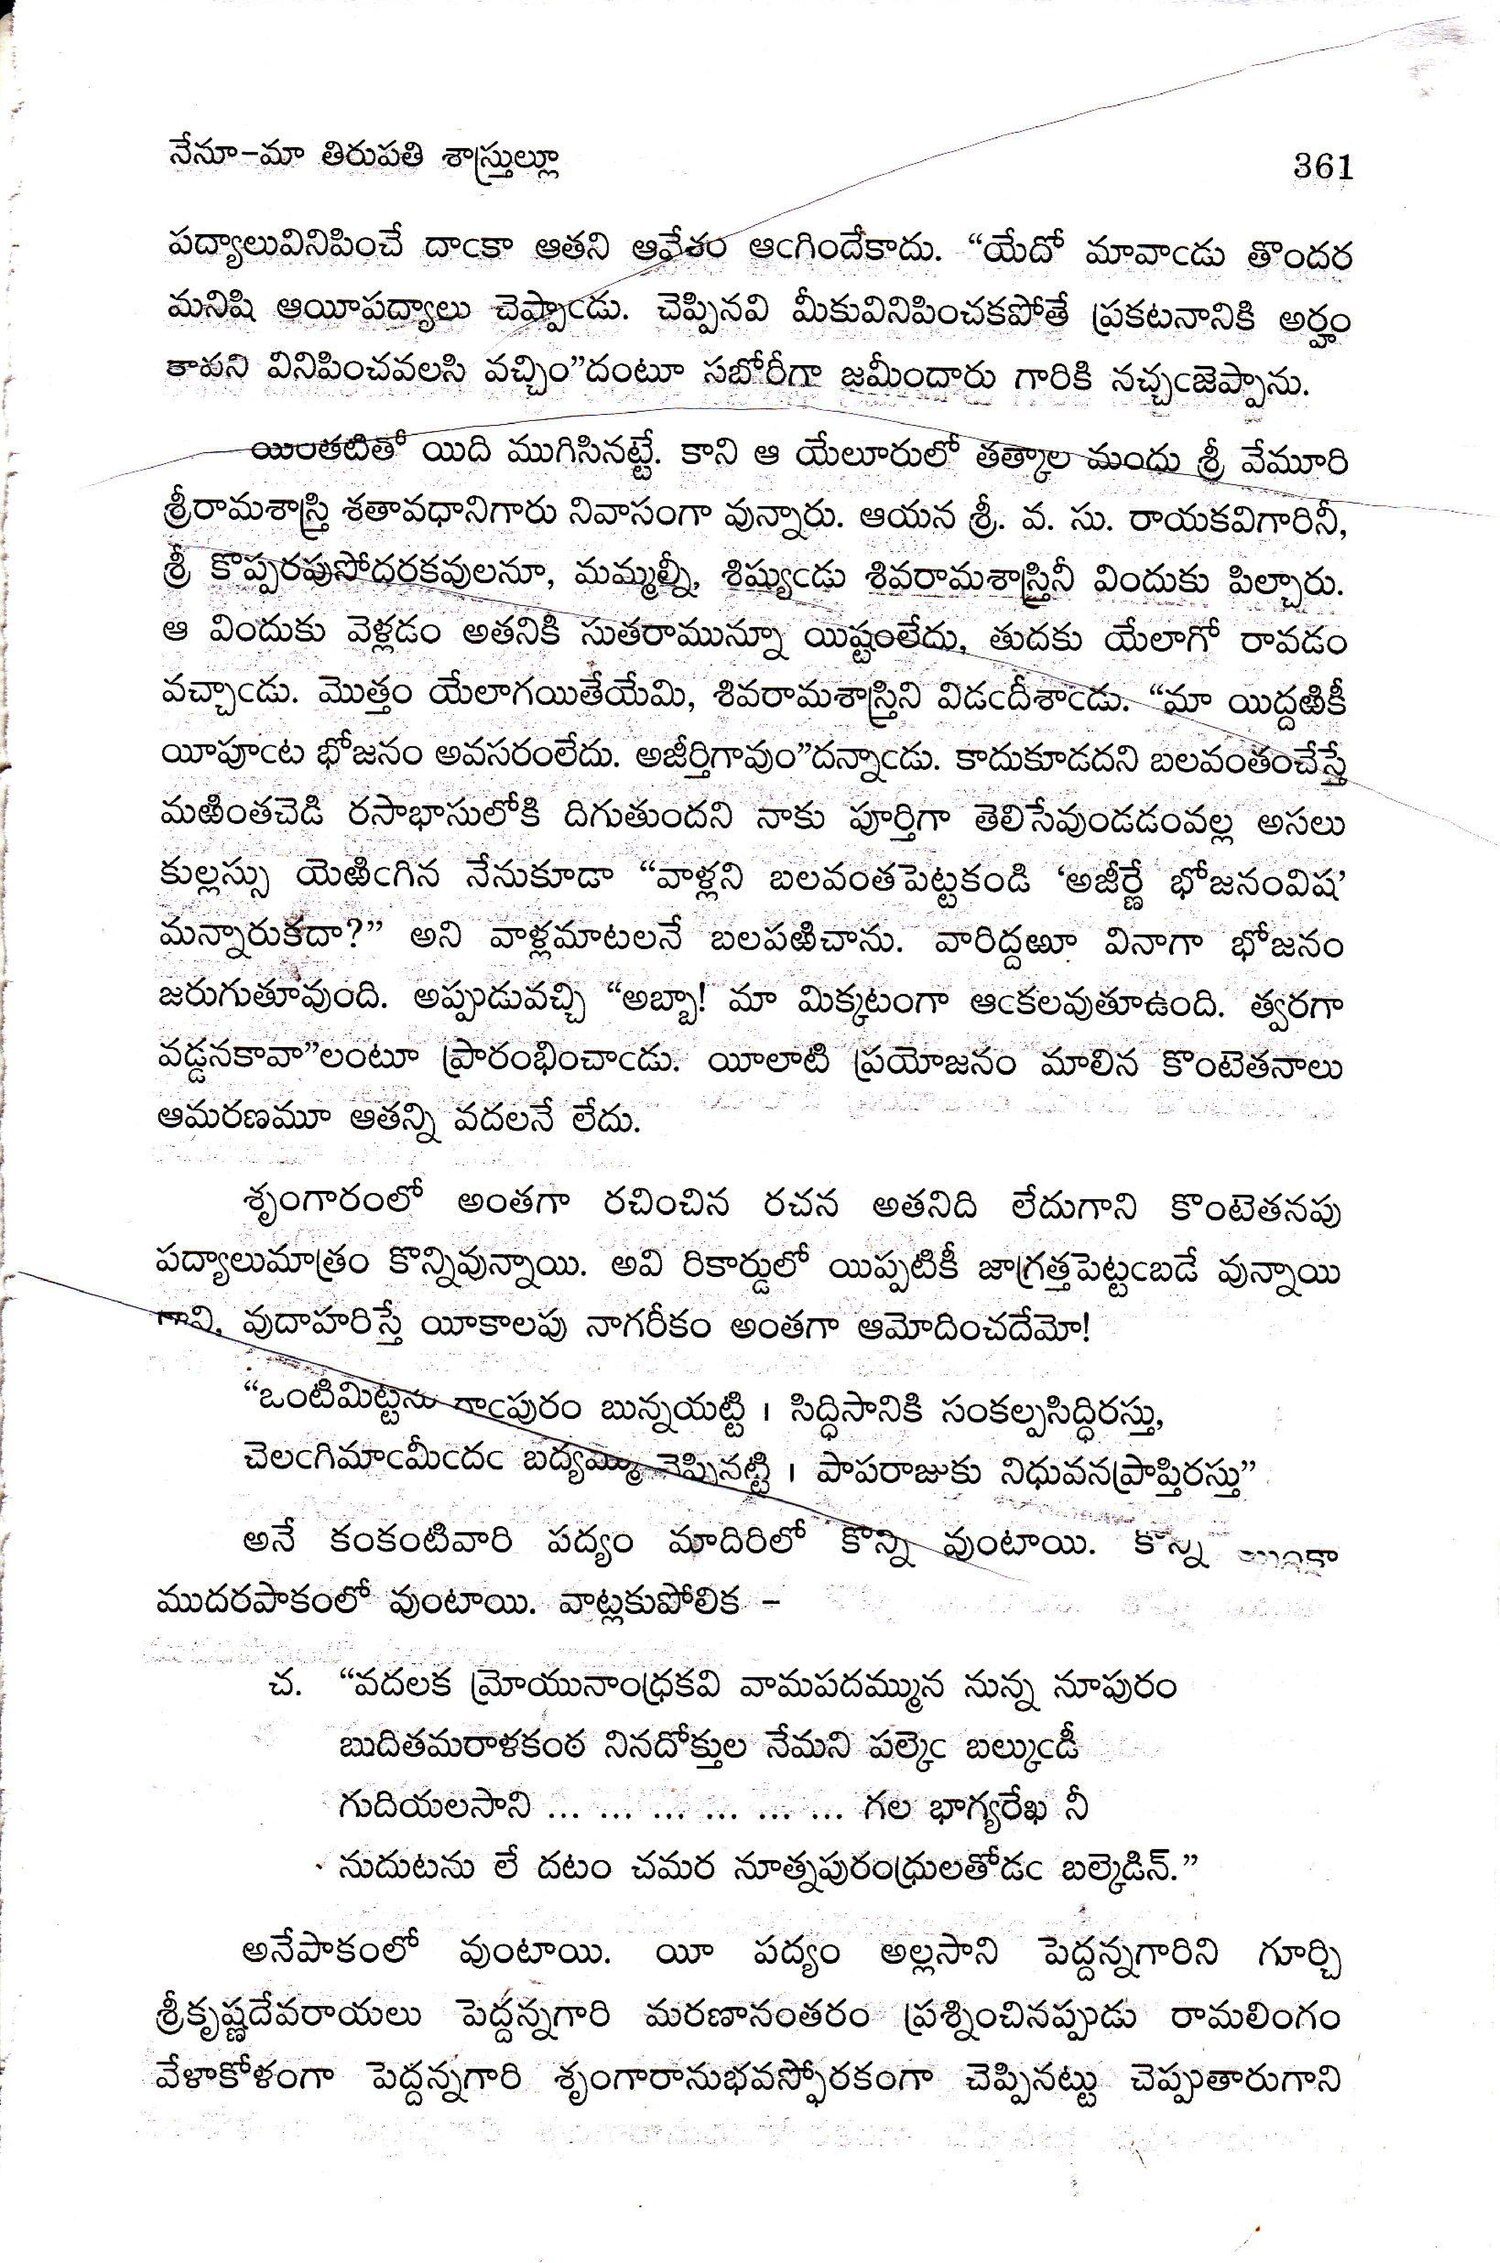పద్యాలువినిపించే దాఁకా ఆతని ఆవేశం ఆఁగిందేకాదు. "యేదో మావాఁడు తొందర మనిషి ఆయీపద్యాలు చెప్పాఁడు. చెప్పినవి మీకువినిపించకపోతే ప్రకటనానికి అర్హం కాపని వినిపించవలసి వచ్చిం"దంటూ సబోరీగా జమీంద్దారు గారికి నచ్చఁజెప్పాను.

యింతటితో యిది ముగిసినట్టే. కాని ఆ యేలూరులో తత్కాల మందు శ్రీ వేమూరి శ్రీరామశాస్త్రి శతావధానిగారు నివాసంగా వున్నారు. ఆయన శ్రీ వ. సు. రాయకవిగారినీ, శ్రీ కొప్పరపుసోదరకవులనూ, మమ్మల్నీ శిష్యుఁడు శివరామశాస్త్రినీ విందుకు పిల్చారు. ఆ విందుకు వెళ్లడం అతనికి సుతారామున్నూ యిష్టంలేదు. తుదకు యేలాగో రావడం వచ్చాఁడు. మొత్తం యేలాగయితేయేమి, శివరామశాస్త్రిని విడఁదీశాఁడు. “మా యిద్దఱికీ యీపూఁట భోజనం అవసరంలేదు. అజీర్తిగావుం"దన్నాఁడు. కాదుకూడదని బలవంతంచేస్తే మఱింతచెడి రసాభాసులోకి దిగుతుందని నాకు పూర్తిగా తెలిసేవుండడంవల్ల అసలు కుల్లస్సు యెఱిఁగిన నేనుకూడా "వాళ్లని బలవంతపెట్టకండి 'అజీర్ణే భోజనంవిష' మన్నారుకదా?" అని వాళ్లమాటలనే బలపఱిచాను. వారిద్దఱూ వినాగా భోజనం జరుగుతూవుంది. అప్పుడువచ్చి "అబ్బా! మా మిక్కటంగా ఆఁకలవుతూఉంది. త్వరగా వద్దనకావా"లంటూ ప్రారంభించాఁడు. యీలాటి ప్రయోజనం మాలిన కొంటెతనాలు ఆమరణమూ ఆతన్ని వదలనే లేదు.

శృంగారంలో అంతగా రచించిన రచన అతనిది లేదుగాని కొంటెతనపు పద్యాలుమాత్రం కొన్నివున్నాయి. అవి రికార్డులో యిప్పటికీ జాగ్రత్తపెట్టఁబడే వున్నాయి గావి వుదాహరిస్తే యీకాలపు నాగరీకం అంతగా ఆమోదించదేమో! -

“ఒంటిమిట్టను గాఁపురం బున్నయట్టి ! సిద్ధిసానికి సంకల్పసిద్ధిరస్తు, 
 చెలఁగిమాఁమీఁదఁ బద్యమ్ముచెప్పినట్టి | పాపరాజుకు నిధువనప్రాప్తిరస్తు."
అనే కంకంటివారి పద్యం మాదిరిలో కొన్ని వుంటాయి. కొన్ని యింకా ముదరపాకంలో వుంటాయి. వాట్లకుపోలిక -

చ. "వదలక మ్రోయునాంధ్రకవి వామపదమ్మున నున్న నూపురం
 బుదితమరాళకంఠ నినదోక్తుల నేమని పల్కెఁ బల్కుఁడీ 
 గుదియలసాని ... ... ... ... ... ... గల భాగ్యరేఖ నీ 
 నుదుటను లే దటం చమర నూత్నపురంధ్రులతోడఁ బల్కెడిన్." 
అనేపాకంలో వుంటాయి. యీ పద్యం అల్లసాని పెద్దన్నగారిని గూర్చి శ్రీకృష్ణదేవరాయలు పెద్దన్నగారి మరణానంతరం ప్రశ్నించినప్పుడు రామలింగం వేళాకోళంగా పెద్దన్నగారి శృంగారానుభవస్ఫోరకంగా చెప్పినట్టు చెప్పుతారుగాని
..